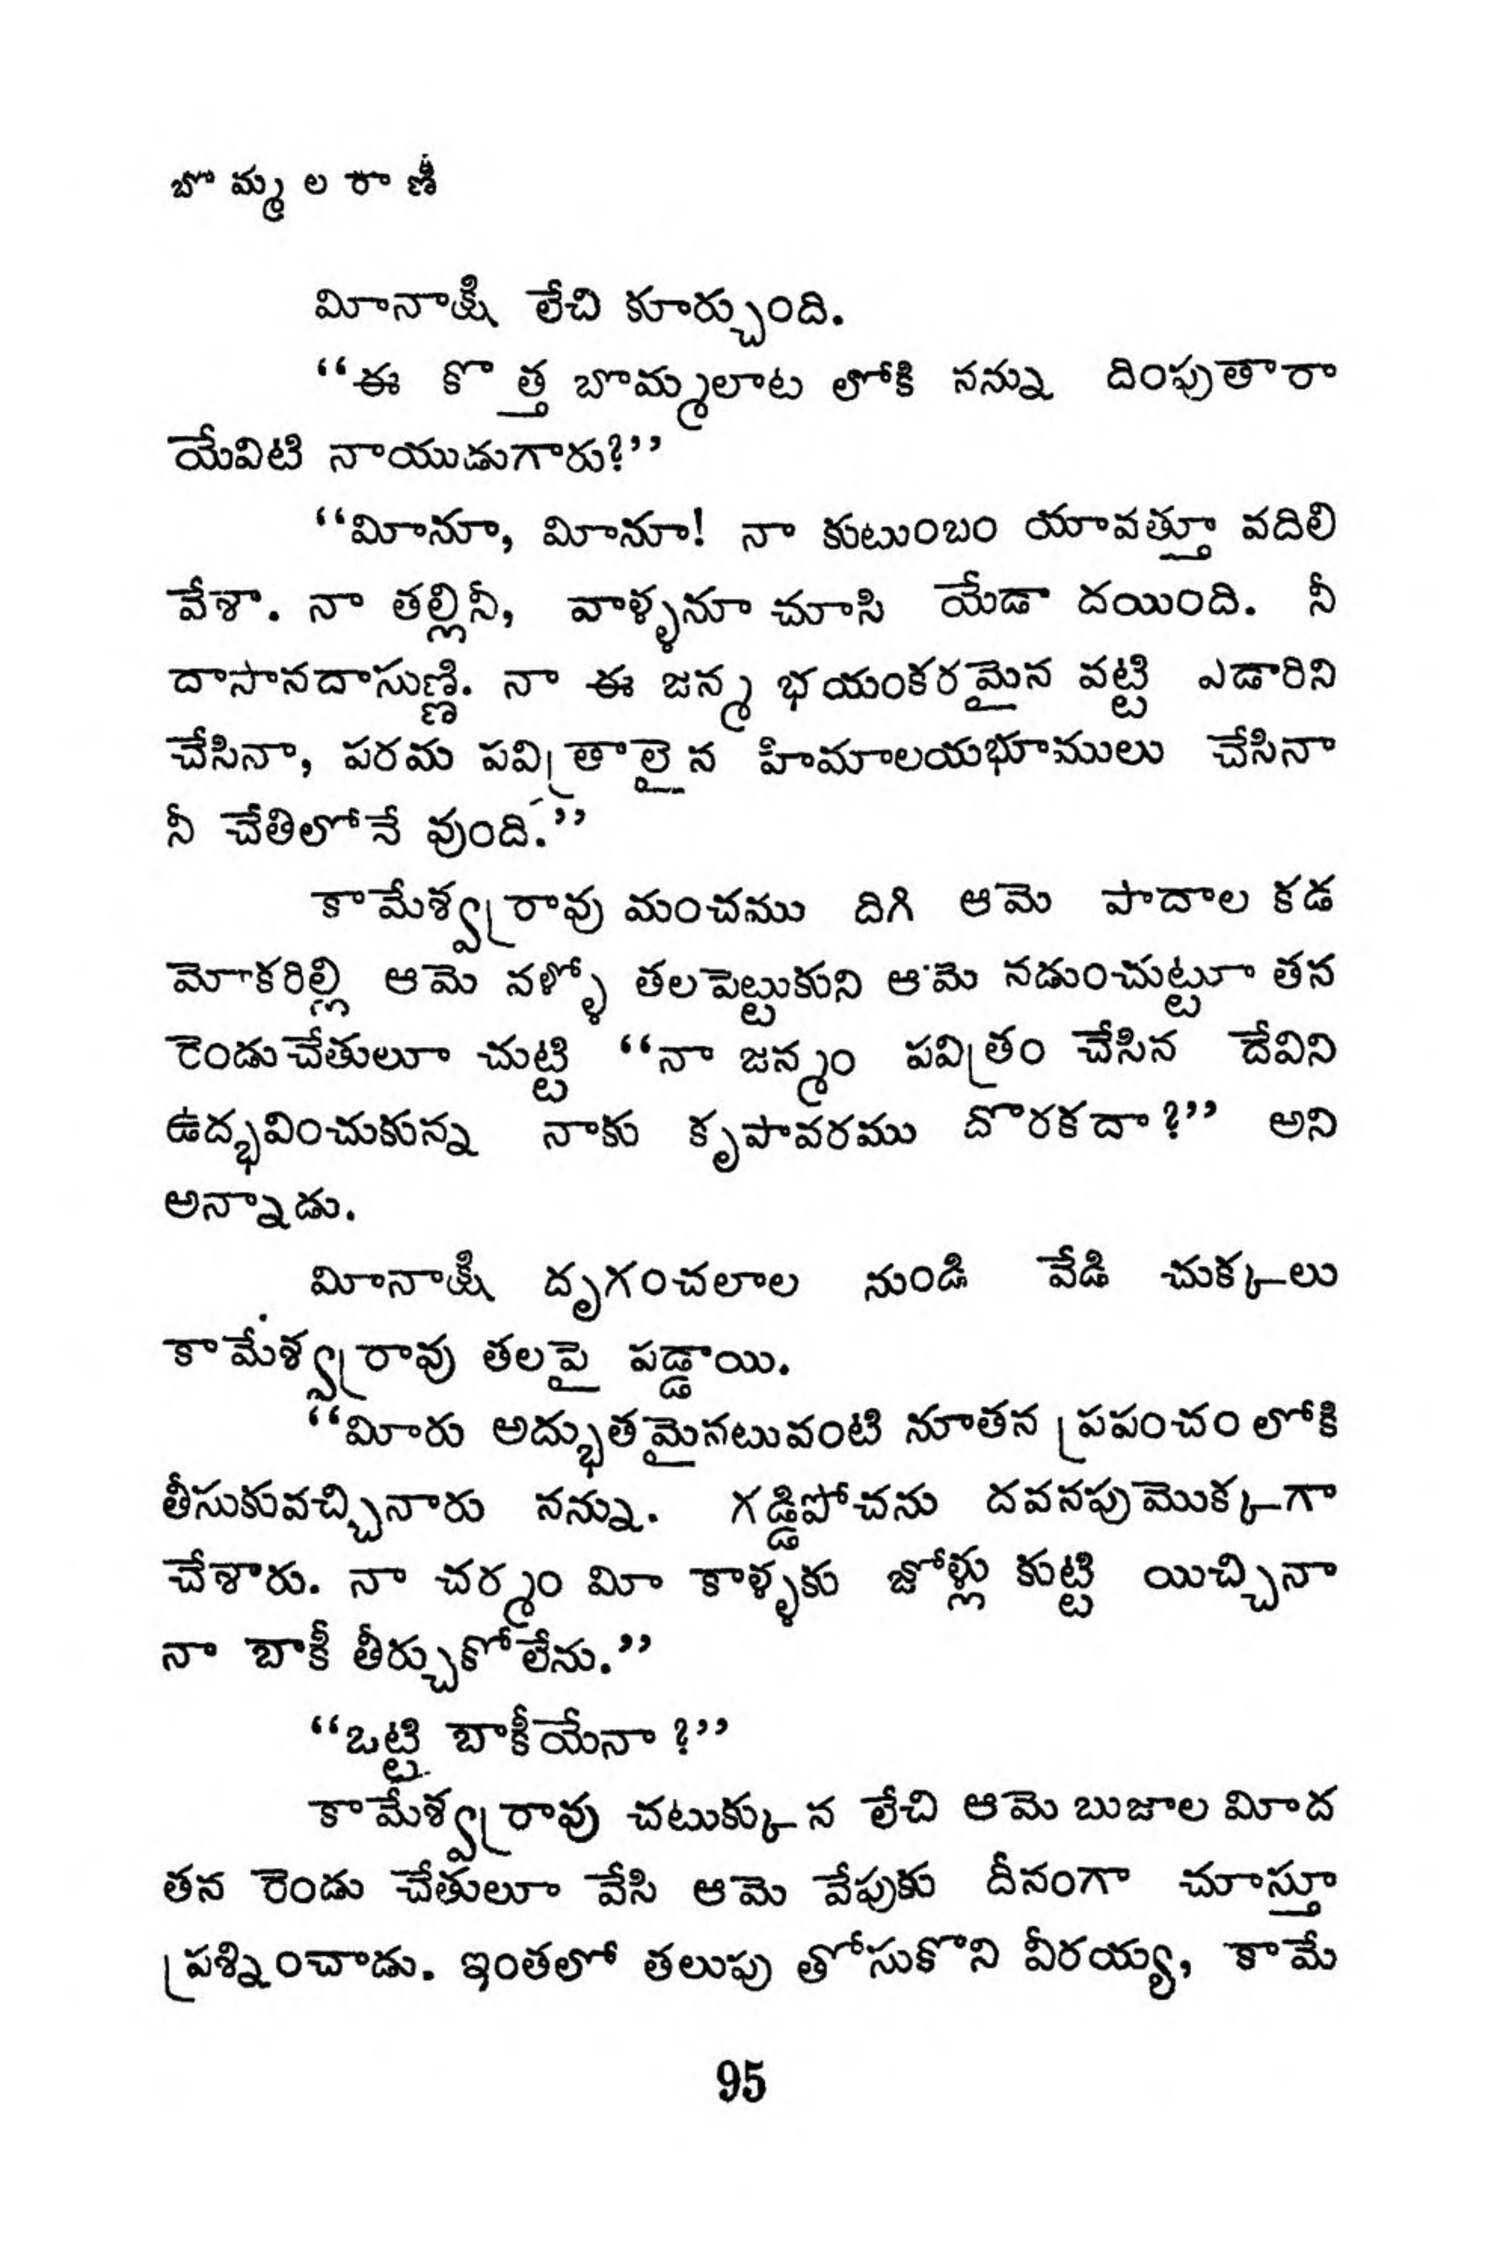మీనాక్షి లేచి కూర్చుంది.

"ఈ కొత్త బొమ్మలాట లోకి నన్ను దింపుతారా యేవిటి నాయుడుగారు?"

"మీనూ, మీనూ! నా కుటుంబం యావత్తూ వదిలి వేశా. నా తల్లినీ, వాళ్ళనూ చూసి యేడా దయింది. నీ దాసానదాసుణ్ణి. నా ఈ జన్మ భయంకరమైన వట్టి ఎడారిని చేసినా, పరమ పవిత్రాలైన హిమాలయభూములు చేసినా నీ చేతిలోనే వుంది."

కామేశ్వర్రావు మంచము దిగి ఆమె పాదాల కడ మోకరిల్లి ఆమె వళ్ళో తలపెట్టుకుని ఆమె నడుంచుట్టూ తన రెండుచేతులూ చుట్టి "నా జన్మం పవిత్రం చేసిన దేవిని ఉద్భవించుకున్న నాకు కృపావరము దొరకదా?" అని అన్నాడు.

మీనాక్షి దృగంచలాల నుండి వేడి చుక్కలు కామేశ్వర్రావు తలపై పడ్డాయి.

"మీరు అద్భుతమైనటువంటి నూతన ప్రపంచంలోకి తీసుకువచ్చినారు నన్ను. గడ్డిపోచను దవనపుమొక్కగా చేశారు. నా చర్మం మీ కాళ్ళకు జోళ్లు కుట్టి యిచ్చినా నా బాకీ తీర్చుకోలేను."

"ఒట్టి బాకీయేనా?"

కామేశ్వర్రావు చటుక్కున లేచి ఆమె బుజాల మీద తన రెండు చేతులూ వేసి ఆమె వేపుకు దీనంగా చూస్తూ ప్రశ్నించాడు. ఇంతలో తలుపు తోసుకొని వీరయ్య, కామే